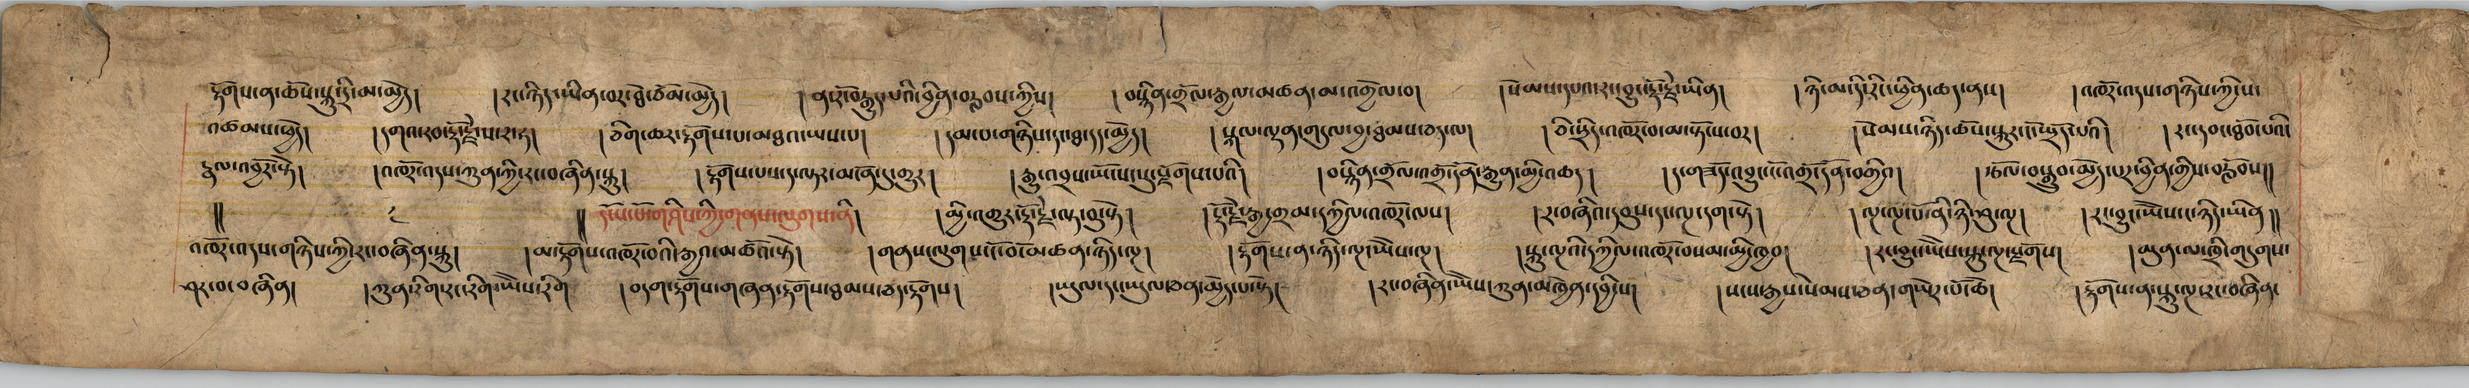རྟོགས་ན་ཆོས་སྐུ་དྲི་མ་མྱེད། །རང་ཉིད་ཡིན་བར་ཐེ་ཙོམ་མྱེད། །ན་རོ་བརྒྱུད་པའི་བྱིན་བརླབས་ཀྱིས། །བསྙིན་གྲོལ་རྒྱལ་མཚན་མ་འགྱེལ་བ། །སེམས་དཔའ་རང་བྱུང་རྡོ་རྗེ་ཡིན། །ཉི་མ་དི་རིང་ཕྱིན་ཆད་ནས། །འཁོར་འདས་གཉིས་ཀྱི་ས་
འཚམས་ཕྱེད། །དགའ་རབ་རྡོ་རྗེ་ས་ར་ཧ། །ཅིག་ཆར་རྟོགས་པ་མཐའ་ཡས་པ། །དམ་པ་གཉིས་དང་ཐ་དད་མྱེད། །སྐལ་ལྡན་གདུལ་བྱ་ཐམས་ཅད་ལ། །ཅི་སྲིད་འཁོར་བ་མ་སྟོངས་བར། །སེམས་ཉིད་ཆོས་སྐུར་ངོ་སྤྲོད་པའི། །རང་དབང་ཐོབ་པའི་
རྣལ་འབྱོར་སྟེ། །འཁོར་འདས་ཀུན་ཀྱི་རང་བཞིན་སྐུ། །རྟོགས་པས་ད་ལྟར་མངོན་དུ་གྱུར། །རྒྱུ་འབྲས་ཡོངས་སུ་སྫོགས་པའི། །བསྙིན་གྲོལ་འགྲོ་དོན་རྒྱུན་མྱི་འཆད། །ད་གཟོད་འབྱུང་ངཔ་འགྲོ་དོན་བགྱིའ། །རྩོལ་བསྒྲུབ་མྱེད་པར་བྱིན་གྱིས་བརློབས།།
།།དངོས་པོ་གཤིས་ཀྱི་གནས་ལུགས་ནི། །མྱི་འགྱུར་རྡོ་རྗེ་ལྟ་བུ་སྟེ། །རྡོ་རྗེ་རྒྱ་གྲམ་དཀྱིལ་འཁོར་ལས། །རང་བཞིན་དབུས་དང་ལྔ་དག་སྟེ། །ལྔ་ལྔ་པོ་ནི་ཉི་ཤུ་ལྔ། །རང་བྱུང་ཡཻས་ང་ཉིད་ཡིན།།
འཁོར་འདས་གཉིས་ཀྱི་རང་བཞིན་སྐུ། །མ་རྟོགས་འཁོར་བའི་རྒྱའ་མཚོའ་སྟེ། །གནས་ལུགས་ངོ་བོ་མཚན་ཉིད་ལྔ། །རྟོགས་ན་ཉིད་ཡཻས་ལྔ། །སྐུ་ལྔའི་དཀྱིལ་འཁོར་བསམ་མྱི་ཁྱབ། །རང་བྱུང་ཡཻས་སྐུ་ལྔ་སྫོགས། །མུན་ལ་ཁྲི་གདུགས་
ཤར་བ་བཞིན། །ཀུན་རིག་རང་རིག་ཡཻས་རིག །བདག་རྟོགས་གཞན་རྟོགས་ཐམས་ཅད་རྟོགས། །ཡུལ་དང་ཡུལ་ཅན་མྱེད་པ་སྟེ། །རང་བཞིན་ཡཻས་ཀུན་མཁྱེན་དབྱིངས། །སངས་རྒྱས་སེམས་ཅན་གཡེར་པོ་ཆེ། །རྟོགས་ན་སྐུ་ལྔ་རང་བཞིན་